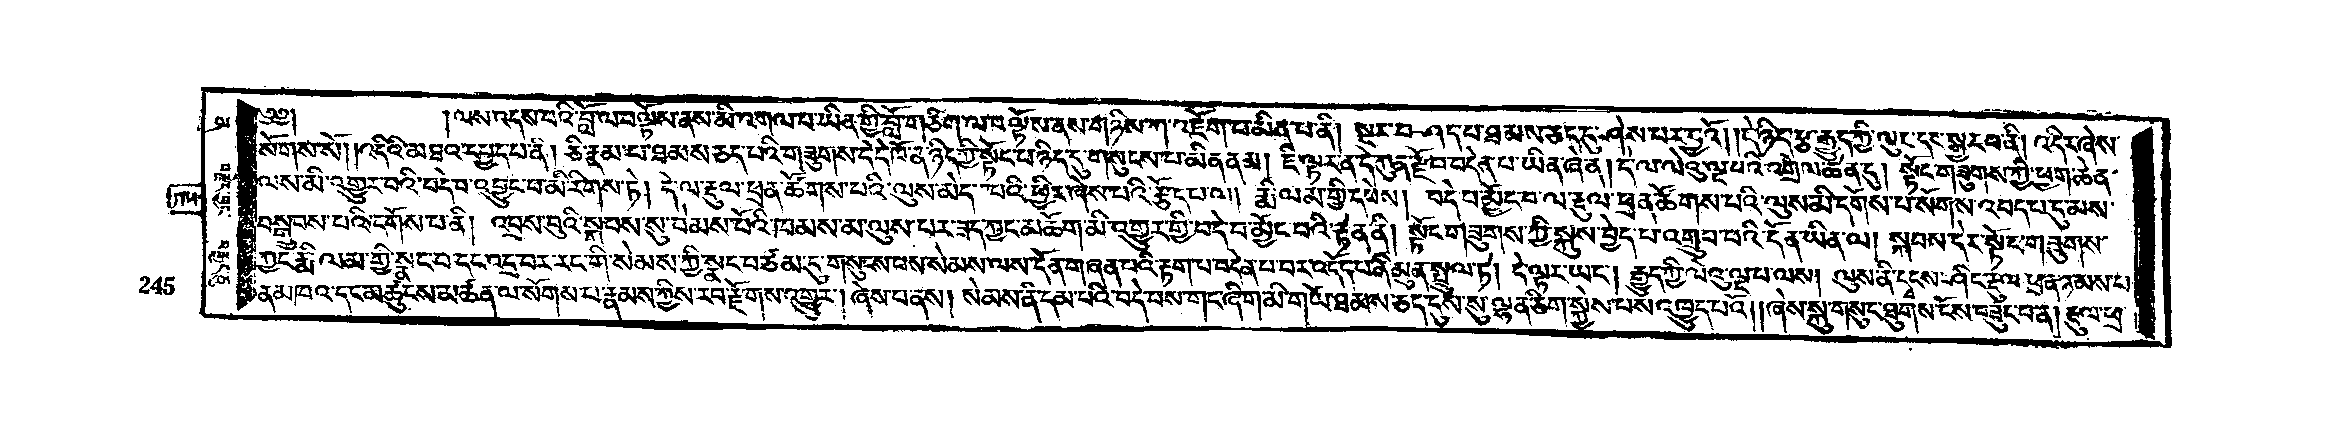༄༅། །ལས་འདས་པའི་བློ་ལ་བལྟོས་ནས་མི་འགལ་བ་ཡིན་གྱི་བློ་གཅི་གླ་བློས་ནས་གཉིས་ཀ་འཇོག་པ་མིན་པ་ནི། སྔར་བཤད་པ་ཐམས་ཅད་དུ་ཤེས་པར་བྱའོ། །དེ་ཉིད་རྩ་རྒྱུད་ཀྱི་ལུང་དང་སྦྱར་བ་ནི། འདིར་ཞེས་
སོགས་སོ། །འདིའི་མཐའ་དཔྱད་པ་ནི། ཅི་རྣམ་པ་ཐམས་ཅད་པའི་གཟུགས་དེ་དེ་ཁོ་ན་ཉིད་ཀྱི་སྟོང་པ་ཉིད་དུ་གསུངས་པ་མིན་ནམ། ཇི་ལྟར་ན་དེ་ཀུན་རྫོབ་བདེན་པ་ཡིན་ཞེ་ན། དེ་ལ་ལེའུ་ལྔ་པའི་འགྲེལ་ཆེན་དུ། སྟོང་གཟུགས་ཀྱི་ཕྱག་ཆེན་
ལས་མི་འགྱུར་བའི་བདེ་བ་འབྱུང་བ་མི་རིགས་ཏེ། དེ་ལ་རྡུལ་ཕྲན་ཚོགས་པའི་ལུས་མེད་པའི་ཕྱིར་ཞེས་པའི་རྩོད་པ་ལ། རྨི་ལམ་གྱི་དཔེས། བདེ་བ་མྱོང་བ་ལ་རྡུལ་ཕྲན་ཚོགས་པའི་ལུས་མི་དགོས་པ་སོགས་འབད་པ་དུ་མས་
བསྒྲུབས་པའི་དགོས་པ་ནི། འབྲས་བུའི་སྐབས་སུ་བེམས་པོའི་ཁམས་མ་ལུས་པར་ཟད་ཀྱང་མཆོག་མི་འགྱུར་གྱི་བདེ་བ་མྱོང་བའི་རྟེན་ནི། སྟོང་གཟུགས་ཀྱི་སྐུས་བྱེད་པ་འགྲུབ་པའི་དོན་ཡིན་ལ། སྐབས་དེར་སྟོང་གཟུགས་
ཀྱང་རྨི་ལམ་གྱི་སྣང་བ་དང་འདྲ་བར་རང་གི་སེམས་ཀྱི་སྣང་བ་ཙམ་དུ་གསུངས་པས་སེམས་ལས་དོན་གཞན་པའི་རྟག་པ་བདེན་པ་བར་འདོད་པ་ནི་མུན་སྤྲུལ་ཏེ། དེ་ལྟར་ཡང་། རྒྱུད་ཀྱི་ལེའུ་ལྔ་པ་ལས། ལུས་ནི་དྭངས་ཤིང་རྡུལ་ཕྲན་ཉམས་པ་
ནམ་མཁའ་དང་མཚུངས་མཚན་ལ་སོགས་པ་རྣམས་ཀྱིས་རབ་རྫོགས་འགྱུར། ཞེས་པ་ནས། སེམས་ནི་དམ་པའི་བདེ་བས་གང་ཞིག་མི་གཡོ་ཐམས་ཅད་དུས་སུ་ལྷན་ཅིག་སྐྱེས་པས་འཁྱུད་པའོ། །ཞེས་སྐུ་གསུང་ཐུགས་ངོས་བཟུང་བ་ན། རྡུལ་ཕྲ་